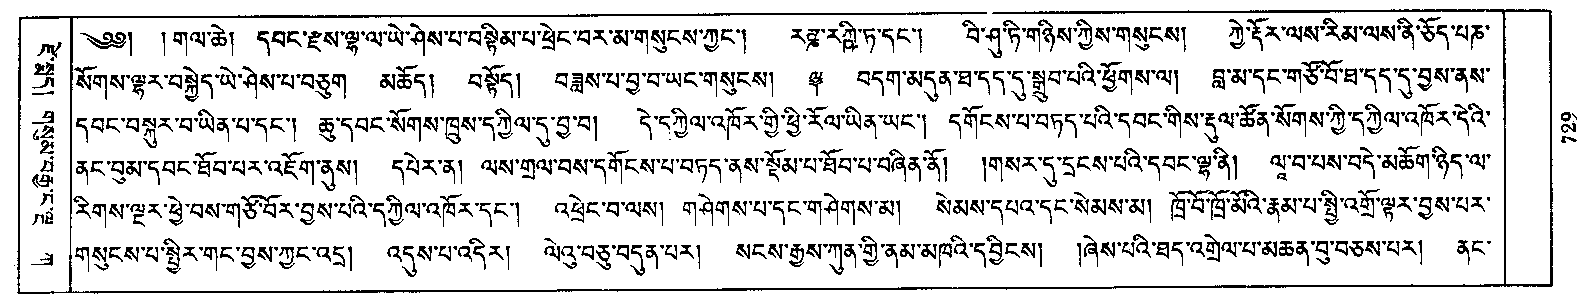༄༅། །གལ་ཆེ། དབང་རྫས་ལྷ་ལ་ཡེ་ཤེས་པ་བསྟིམ་པ་ཕྲེང་བར་མ་གསུངས་ཀྱང་། རཊྞ་རཀྵི་ཏ་དང་། བི་ཤུ་ཏི་གཉིས་ཀྱིས་གསུངས། ཀྱེ་རྡོར་ལས་རིམ་ལས་ནི་ཅོད་པཎ་
སོགས་ལྷར་བསྐྱེད་ཡེ་ཤེས་པ་བཅུག་མཆོད། བསྟོད། བཟླས་པ་བྱ་བ་ཡང་གསུངས། ༈ བདག་མདུན་ཐ་དད་དུ་སྒྲུབ་པའི་ཕྱོགས་ལ། བླ་མ་དང་གཙོ་བོ་ཐ་དད་དུ་བྱས་ནས་
དབང་བསྐུར་བ་ཡིན་པ་དང་། ཆུ་དབང་སོགས་ཁྲུས་དཀྱིལ་དུ་བྱ་བ། དེ་དཀྱིལ་འཁོར་གྱི་ཕྱི་རོལ་ཡིན་ཡང་། དགོངས་པ་བཏད་པའི་དབང་གིས་རྡུལ་ཚོན་སོགས་ཀྱི་དཀྱིལ་འཁོར་དེའི་
ནང་བུམ་དབང་ཐོབ་པར་འཇོག་ནུས། དཔེར་ན། ལས་གྲལ་བས་དགོངས་པ་བཏད་ནས་སྡོམ་པ་ཐོབ་པ་བཞིན་ནོ། །གསར་དུ་དྲངས་པའི་དབང་ལྷ་ནི། ལཱ་བ་པས་བདེ་མཆོག་ཉིད་ལ་
རིགས་ལྔར་ཕྱེ་བས་གཙོ་བོར་བྱས་པའི་དཀྱིལ་འཁོར་དང་། འཕྲེང་བ་ལས། གཤེགས་པ་དང་གཤེགས་མ། སེམས་དཔའ་དང་སེམས་མ། ཁྲོ་བོ་ཁྲོ་མོའི་རྣམ་པ་སྤྱི་འགྲོ་ལྟར་བྱས་པར་
གསུངས་པ་སྤྱིར་གང་བྱས་ཀྱང་འདྲ། འདུས་པ་འདིར། ལེའུ་བཅུ་བདུན་པར། སངས་རྒྱས་ཀུན་གྱི་ནམ་མཁའི་དབྱིངས། །ཞེས་པའི་ཐད་འགྲེལ་པ་མཆན་བུ་བཅས་པར། ནང་